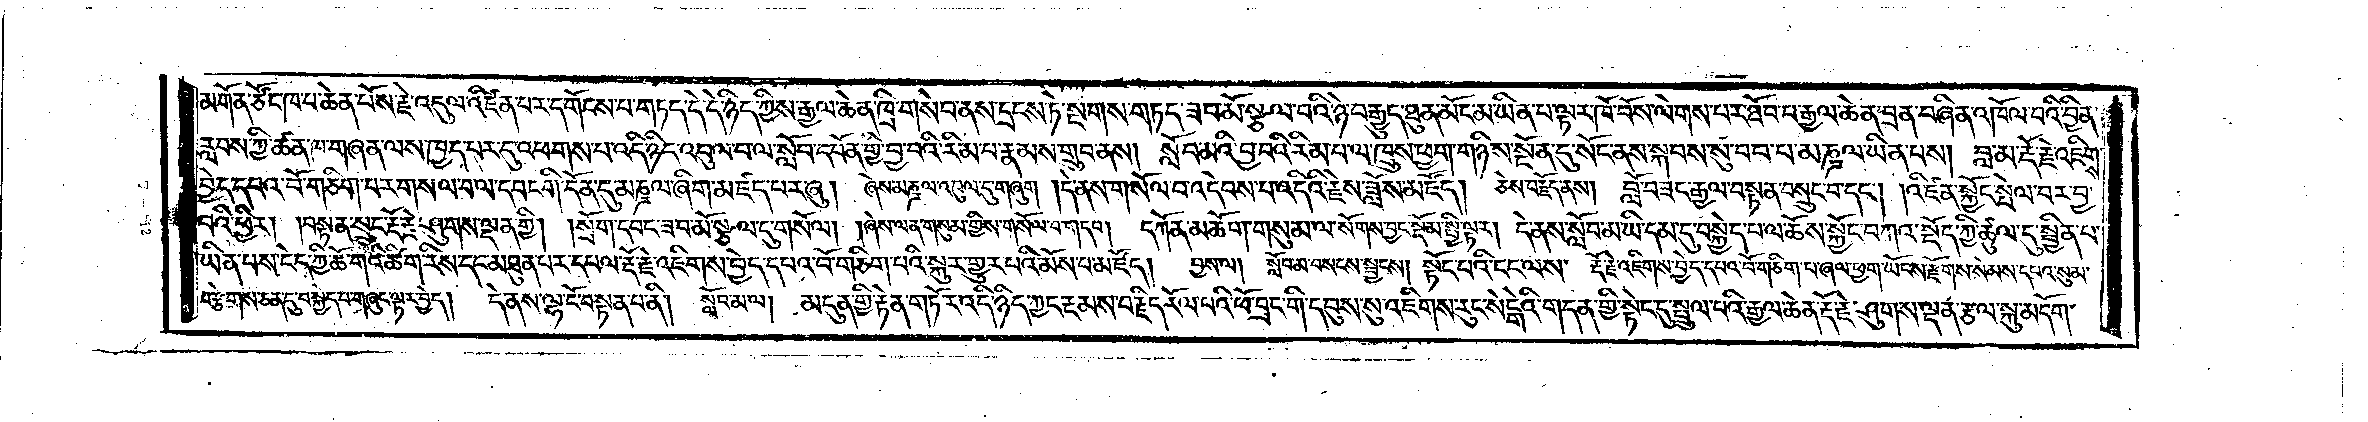མགོན་ཙོང་ཁ་པ་ཆེན་པོས་རྗེ་འདུལ་འཛིན་པར་དགོངས་པ་གཏད་དེ་དེ་ཉིད་ཀྱིས་རྒྱལ་ཆེན་ཁྲི་གསེབ་ནས་དྲངས་ཏེ་སྔགས་གཏད་ཟབ་མོ་སྩལ་བའི་ཉེ་བརྒྱུད་ཐུན་མོང་མ་ཡིན་པ་ལྟར་ཁོ་བོས་ལེགས་པར་ཐོབ་པ་རྒྱལ་ཆེན་བྲན་བཞིན་འཁོལ་བའི་བྱིན་
རླབས་ཀྱི་ཚན་ཁ་གཞན་ལས་ཁྱད་པར་དུ་འཕགས་པ་འདི་ཉིད་འབུལ་བ་ལ་སློབ་དཔོན་གྱི་བྱ་བའི་རིམ་པ་རྣམས་གྲུབ་ནས། སློབ་མའི་བྱ་བའི་རིམ་པ་ལ་ཁྲུས་ཕྱག་གཉིས་སྔོན་དུ་སོང་ནས་སྐབས་སུ་བབ་པ་མཎྜལ་ཡིན་པས། བླ་མ་རྡོ་རྗེ་འཇིགས་
བྱེད་དཔའ་བོ་གཅིག་པར་གསལ་བ་ལ་དབང་གི་དོན་དུ་མཎྜལ་ཞིག་མཛད་པར་ཞུ། ཞེས་མཎྜལ་འབུལ་དུ་གཞུག་།དེ་ནས་གསོལ་བ་འདེབས་པ་འདིའི་རྗེས་ཟློས་མཛོད། ཅེས་བརྗོད་ནས།  བློ་བཟང་རྒྱལ་བསྟན་བསྲུང་བ་དང་། །འཛིན་སྐྱོང་སྤེལ་བར་བྱ་
བའི་ཕྱིར། །བསྟན་སྲུང་རྡོ་རྗེ་ཤུགས་ལྡན་གྱི། །སྲོག་དབང་ཟབ་མོ་སྩལ་དུ་གསོལ། །ཞེས་ལན་གསུམ་གྱིས་གསོལ་བ་གདབ།  དཀོན་མཆོག་གསུམ་ལ་སོགས་བྱང་སྡོམ་སྤྱི་ལྟར།  དེ་ནས་སློབ་མ་ཡི་དམ་དུ་བསྐྱེད་པ་ལ་ཆོས་སྐྱོང་བཀའ་སྡོད་ཀྱི་ཚུལ་དུ་སྦྱིན་པ་
ཡིན་པས་ངེད་ཀྱི་ཆོ་གའི་ཚིག་རིས་དང་མཐུན་པར་དཔལ་རྡོ་རྗེ་འཇིགས་བྱེད་དཔའ་བོ་གཅིག་པའི་སྐུར་གྱུར་པའི་མོས་པ་མཛོད། བྱས་ལ། སློབ་མ་བསངས་སྦྱངས།  སྟོང་པའི་ངང་ལས་རྡོ་རྗེ་འཇིགས་བྱེད་དཔའ་བོ་གཅིག་པ་ཞལ་ཕྱག་ཡོངས་རྫོགས་སེམས་དཔའ་སུམ་
བརྩེགས་ཅན་དུ་བསྐྱེད་པ་གཞུང་ལྟར་བྱེད། དེ་ནས་ལྷ་ངོ་བསྟན་བ་ནི། སློབ་མ་ལ།  མདུན་གྱི་རྟེན་གཏོར་འདི་ཉིད་ཀྱང་རྔམས་བརྗིད་རོལ་བའི་ཕོ་བྲང་གི་དབུས་སུ་འཇིགས་རུང་སེངྒེའི་གདན་གྱི་སྟེང་དུ་སྤྲུལ་པའི་རྒྱལ་ཆེན་རྡོ་རྗེ་ཤུགས་ལྡན་རྩལ་སྐུ་མདོག་